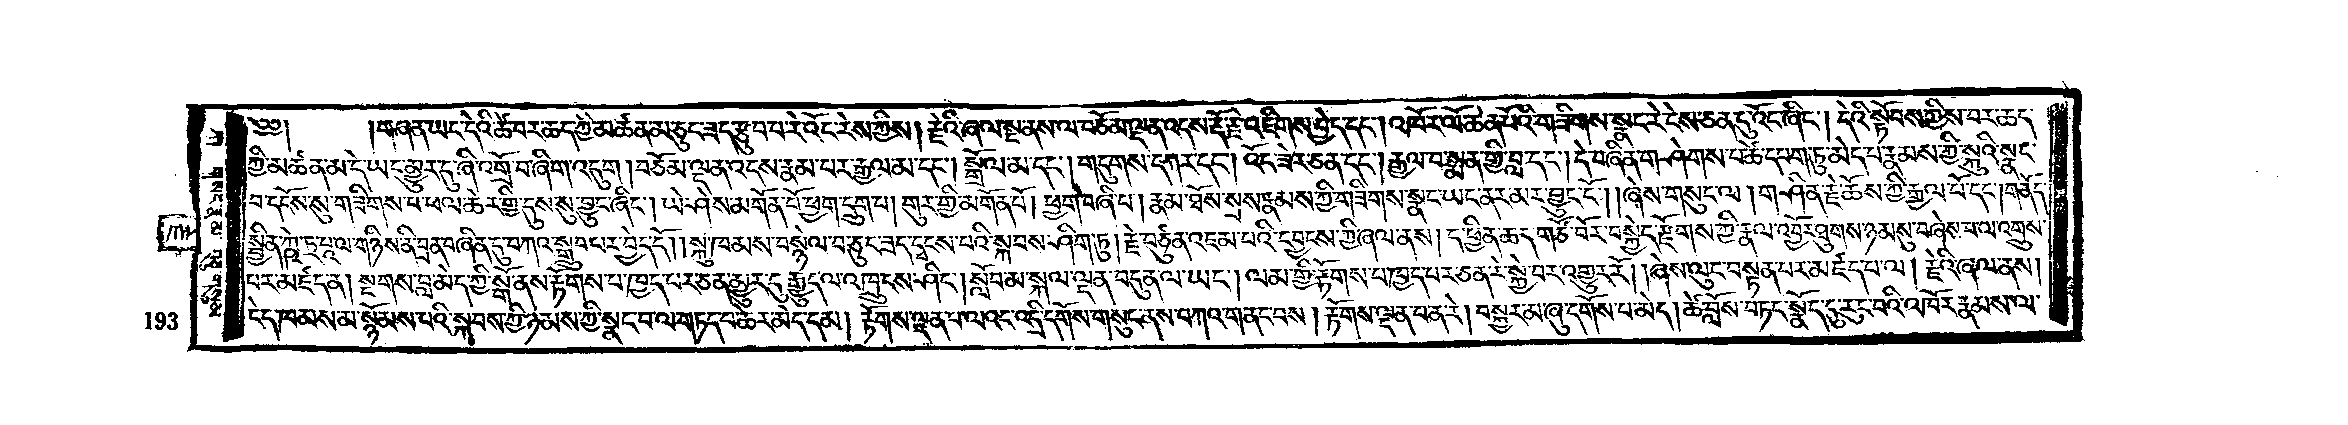༄༅། །གཞན་ཡང་དེའི་ཚེ་བར་ཆད་ཀྱི་མཚན་མ་ཅུང་ཟད་རྩུབ་པ་རེ་འོང་རེས་ཀྱིས། རྗེའི་ཞལ་སྔ་ནས་ལ་བཅོམ་ལྡན་འདས་རྡོ་རྗེ་འཇིགས་བྱེད་དང་། འཁོར་ལོ་ཆེན་པོའི་གཟིགས་སྣང་རེ་ངེས་ཅན་དུ་འོང་ཞིང་། དེའི་སྟོབས་ཀྱིས་བར་ཆད་
ཀྱི་མཚན་མ་དེ་ཡང་མྱུར་དུ་ཞི་འགྲོ་བ་ཞིག་འདུག །བཅོམ་ལྡན་འདས་རྣམ་པར་རྒྱལ་མ་དང་། སྒྲོལ་མ་དང་། གདུགས་དཀར་དང་། འོད་ཟེར་ཅན་དང་། རྒྱལ་བ་སྨན་གྱི་བླ་དང་། དེ་བཞིན་གཤེགས་པ་ཚེ་དཔག་ཏུ་མེད་པ་རྣམས་ཀྱི་སྐུའི་སྣང་
བ་དངོས་སུ་གཟིགས་པ་ཕལ་ཆེར་གྱི་དུས་སུ་བྱུང་ཞིང་། ཡེ་ཤེས་མགོན་པོ་ཕྱག་དྲུག་པ། གུར་གྱི་མགོན་པོ། ཕྱག་བཞི་པ། རྣམ་ཐོས་སྲས་རྣམས་ཀྱི་གཟིགས་སྣང་ཡང་ནར་མར་བྱུང་ངོ། །ཞེས་གསུང་ལ། གཤིན་རྗེ་ཆོས་ཀྱི་རྒྱལ་པོ་དང་། གནོད་
སྦྱིན་ཀྵེ་ཏྲ་པཱ་ལ་གཉིས་ནི་བྲན་བཞིན་དུ་བཀའ་སྒྲུབ་པར་བྱེད་དོ། །སྐུ་ཁམས་བསྙེལ་པ་ཅུང་ཟད་དྭངས་པའི་སྐབས་ཤིག་ཏུ། རྗེ་བཙུན་འཇམ་པའི་དབྱངས་ཀྱི་ཞལ་ནས། ད་ཕྱིན་ཆད་གཙོ་བོར་བསྐྱེད་རྫོགས་ཀྱི་རྣལ་འབྱོར་ཐུགས་ཉམས་སུ་བཞེས་པ་ལ་འགྲུས་
པར་མཛད་ན། སྔགས་བླ་མེད་ཀྱི་སྒོ་ནས་རྟོགས་པ་ཁྱད་པར་ཅན་མྱུར་དུ་རྒྱུད་ལ་འཁྲུངས་ཤིང་། སློབ་མ་སྐལ་ལྡན་བདུན་ལ་ཡང་། ལམ་གྱི་རྟོགས་པ་ཁྱད་པར་ཅན་རེ་སྐྱེ་བར་འགྱུར་རོ། །ཞེས་ལུང་བསྟན་པར་མཛད་པ་ལ། རྗེའི་ཞལ་ནས།
ངེད་ཁམས་མ་སྙོམས་པའི་སྐབས་ཀྱི་ཉམས་ཀྱི་སྣང་བ་ལ་གཏད་པ་ཆེར་མེད་དམ། རྟོགས་ལྡན་པ་ལའང་འདྲི་དགོས་གསུང་ནས་བཀའ་གནང་བས། རྟོགས་ལྡན་པ་ན་རེ། བསྐྱར་མ་ཞུ་དགོས་པ་མེད། ཚེ་བློས་བཏང་སྣོད་དུ་རུང་བའི་འཁོར་རྣམས་ལ་